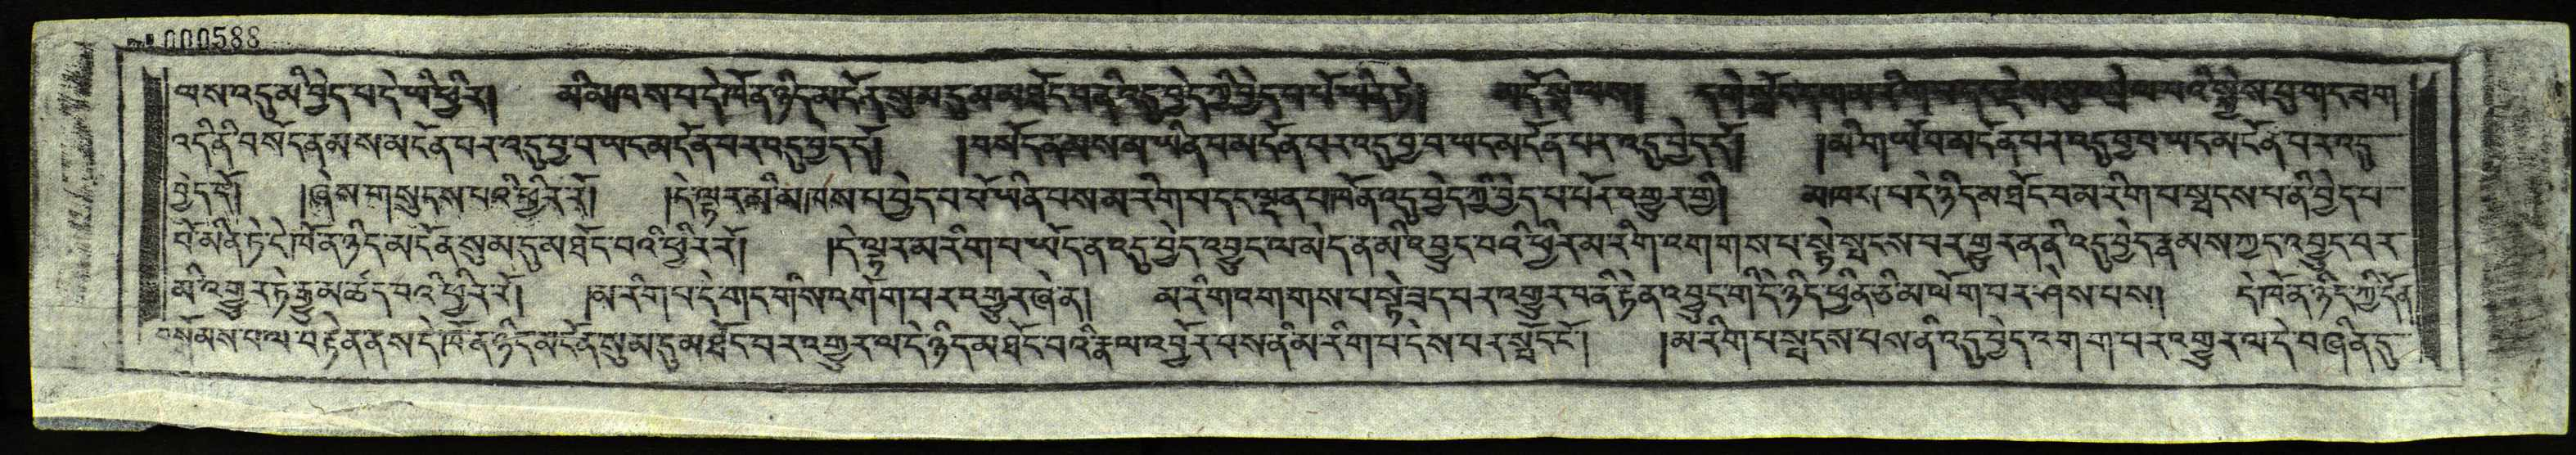ལས་འདུ་མི་བྱེད་པ་དེ་ཡི་ཕྱིར། མི་མཁས་པ་དེ་ཁོ་ན་ཉིད་མངོན་སུམ་དུ་མ་མཐོང་བ་ནི་འདུ་བྱེད་ཀྱི་བྱེད་པ་པོ་ཡིན་ཏེ། མདོ་སྡེ་ལས། དགེ་སློང་དག་མ་རིག་པ་དང་རྗེས་སུ་འབྲེལ་བའི་སྐྱེས་བུ་གང་ཟག་
འདི་ནི་བསོད་ནམས་མངོན་པར་འདུ་བྱ་བ་ཡང་མངོན་པར་འདུ་བྱེད་དོ། །བསོད་ནམས་མ་ཡིན་པ་མངོན་པར་འདུ་བྱ་བ་ཡང་མངོན་པར་འདུ་བྱེད་དོ། །མི་གཡོ་བ་མངོན་པར་འདུ་བྱ་བ་ཡང་མངོན་པར་འདུ་
བྱེད་དོ། །ཞེས་གསུངས་པའི་ཕྱིར་རོ། །དེ་ལྟར་མི་མཁས་པ་བྱེད་པ་པོ་ཡིན་པས་མ་རིག་པ་དང་ལྡན་པ་ཁོ་ན་འདུ་བྱེད་ཀྱི་བྱེད་པ་པོར་འགྱུར་གྱི། མཁས་པ་དེ་ཉིད་མཐོང་བ་མ་རིག་པ་སྤངས་པ་ནི་བྱེད་པ་
པོ་མིན་ཏེ་དེ་ཁོ་ན་ཉིད་མངོན་སུམ་དུ་མཐོང་བའི་ཕྱིར་རོ། །དེ་ལྟར་མ་རིག་པ་ཡོད་ན་འདུ་བྱེད་འབྱུང་ལ་མེད་ན་མི་འབྱུང་བའི་ཕྱིར་མ་རིག་འགགས་པ་སྟེ་སྤངས་པར་གྱུར་ན་ནི་འདུ་བྱེད་རྣམས་ཀྱང་འབྱུང་བར་
མི་འགྱུར་ཏེ་རྒྱུ་མ་ཚད་པའི་ཕྱིར་རོ། །མ་རིག་པ་དེ་གང་གིས་འགོག་པར་འགྱུར་ཞེ་ན། མ་རིག་འགགས་པ་སྟེ་ཟད་པར་འགྱུར་བ་ནི་རྟེན་འབྱུང་གི་དེ་ཉིད་ཕྱིན་ཅི་མ་ལོག་པར་ཤེས་པས། དེ་ཁོ་ན་ཉིད་ཀྱི་དོན་
བསྒོམས་པ་ལ་བརྟེན་ནས་དེ་ཁོ་ན་ཉིད་མངོན་སུམ་དུ་མཐོང་བར་འགྱུར་ལ་དེ་ཉིད་མཐོང་བའི་རྣལ་འབྱོར་བས་ནི་མ་རིག་པ་ངེས་པར་སྤོང་ངོ། །མ་རིག་པ་སྤངས་པས་ནི་འདུ་བྱེད་འགག་པར་འགྱུར་ལ་དེ་བཞིན་དུ་